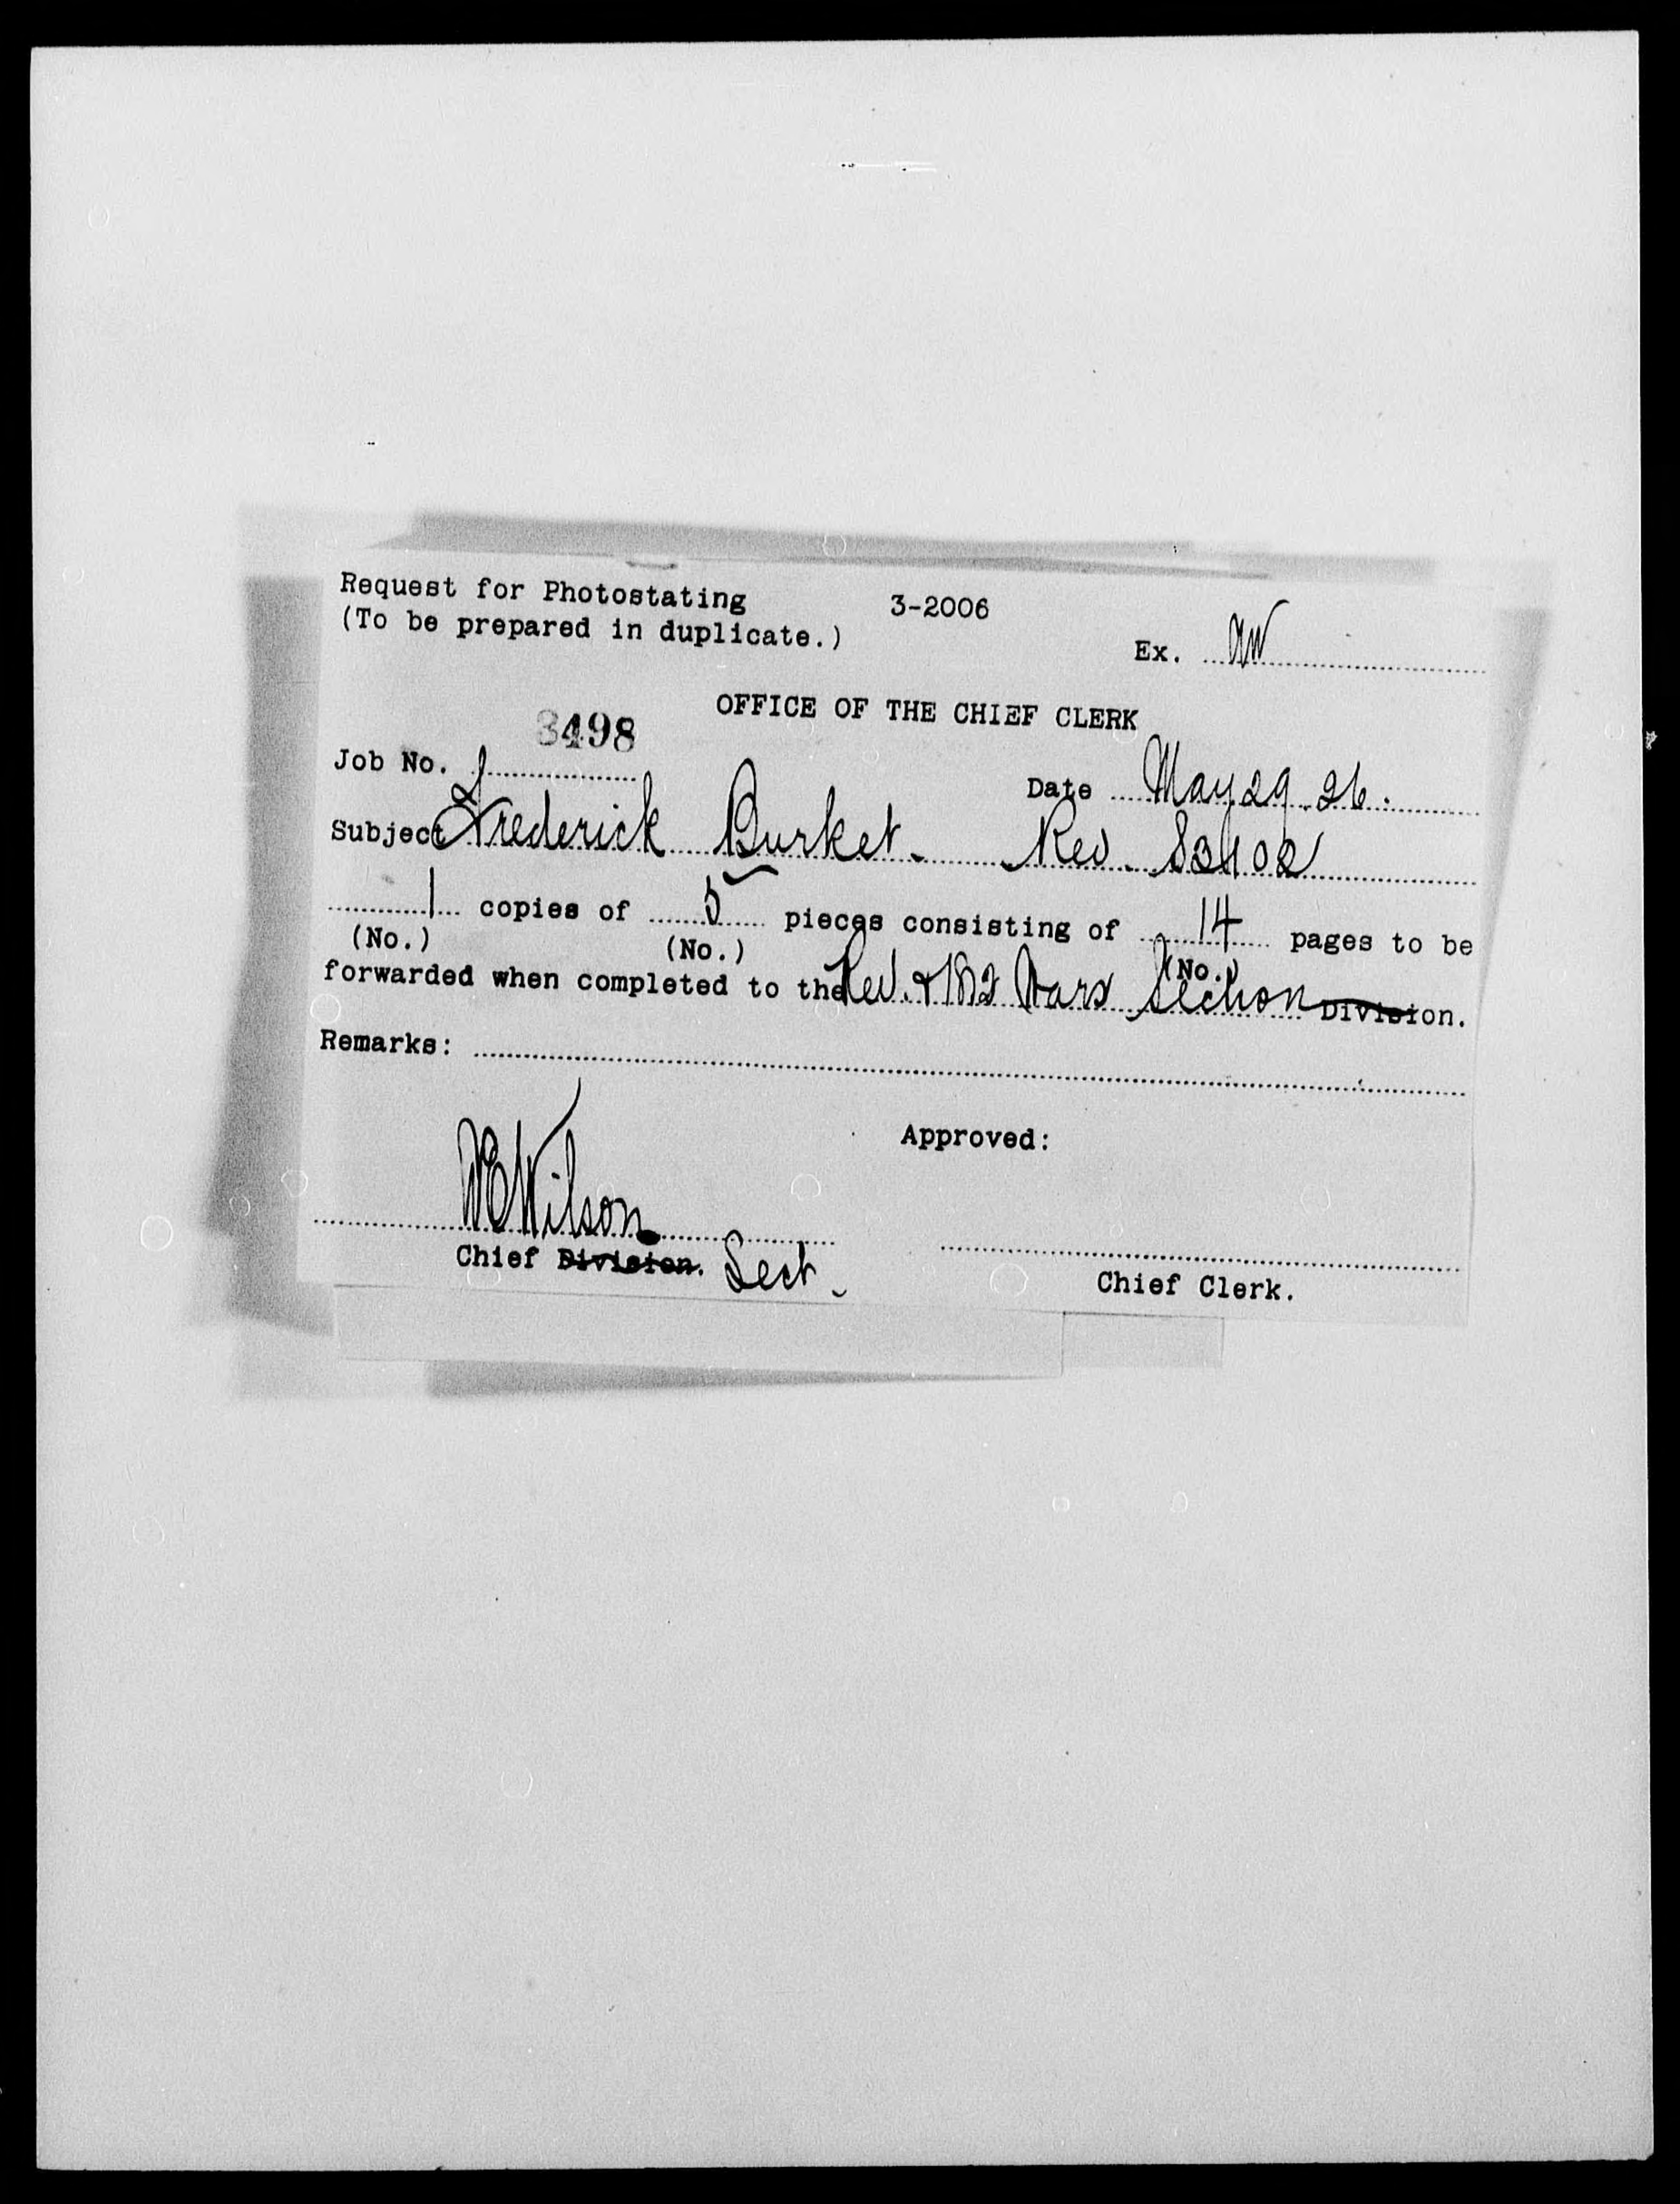Request for Photostating
(To be prepared in duplicate.)
3-2006
Ex. DW

OFFICE OF THE CHIEF CLERK

Job No. 3498		Date May 29, 26
Subject Frederick Burket. Rev. S3102
1 copies of 5 pieces consisting of 14 pages to 
(No.)          (No.)                           (No.)
be forwarded when completed to the Rev. & 1812 Wars Section Division.
Remarks:
Approved:
DE Wilson
Chief Sect

Chief Clerk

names: D E Wilson, Frederick Burket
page: 40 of 47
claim: survivor's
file: S. 3102, Frederick Burket, Va.